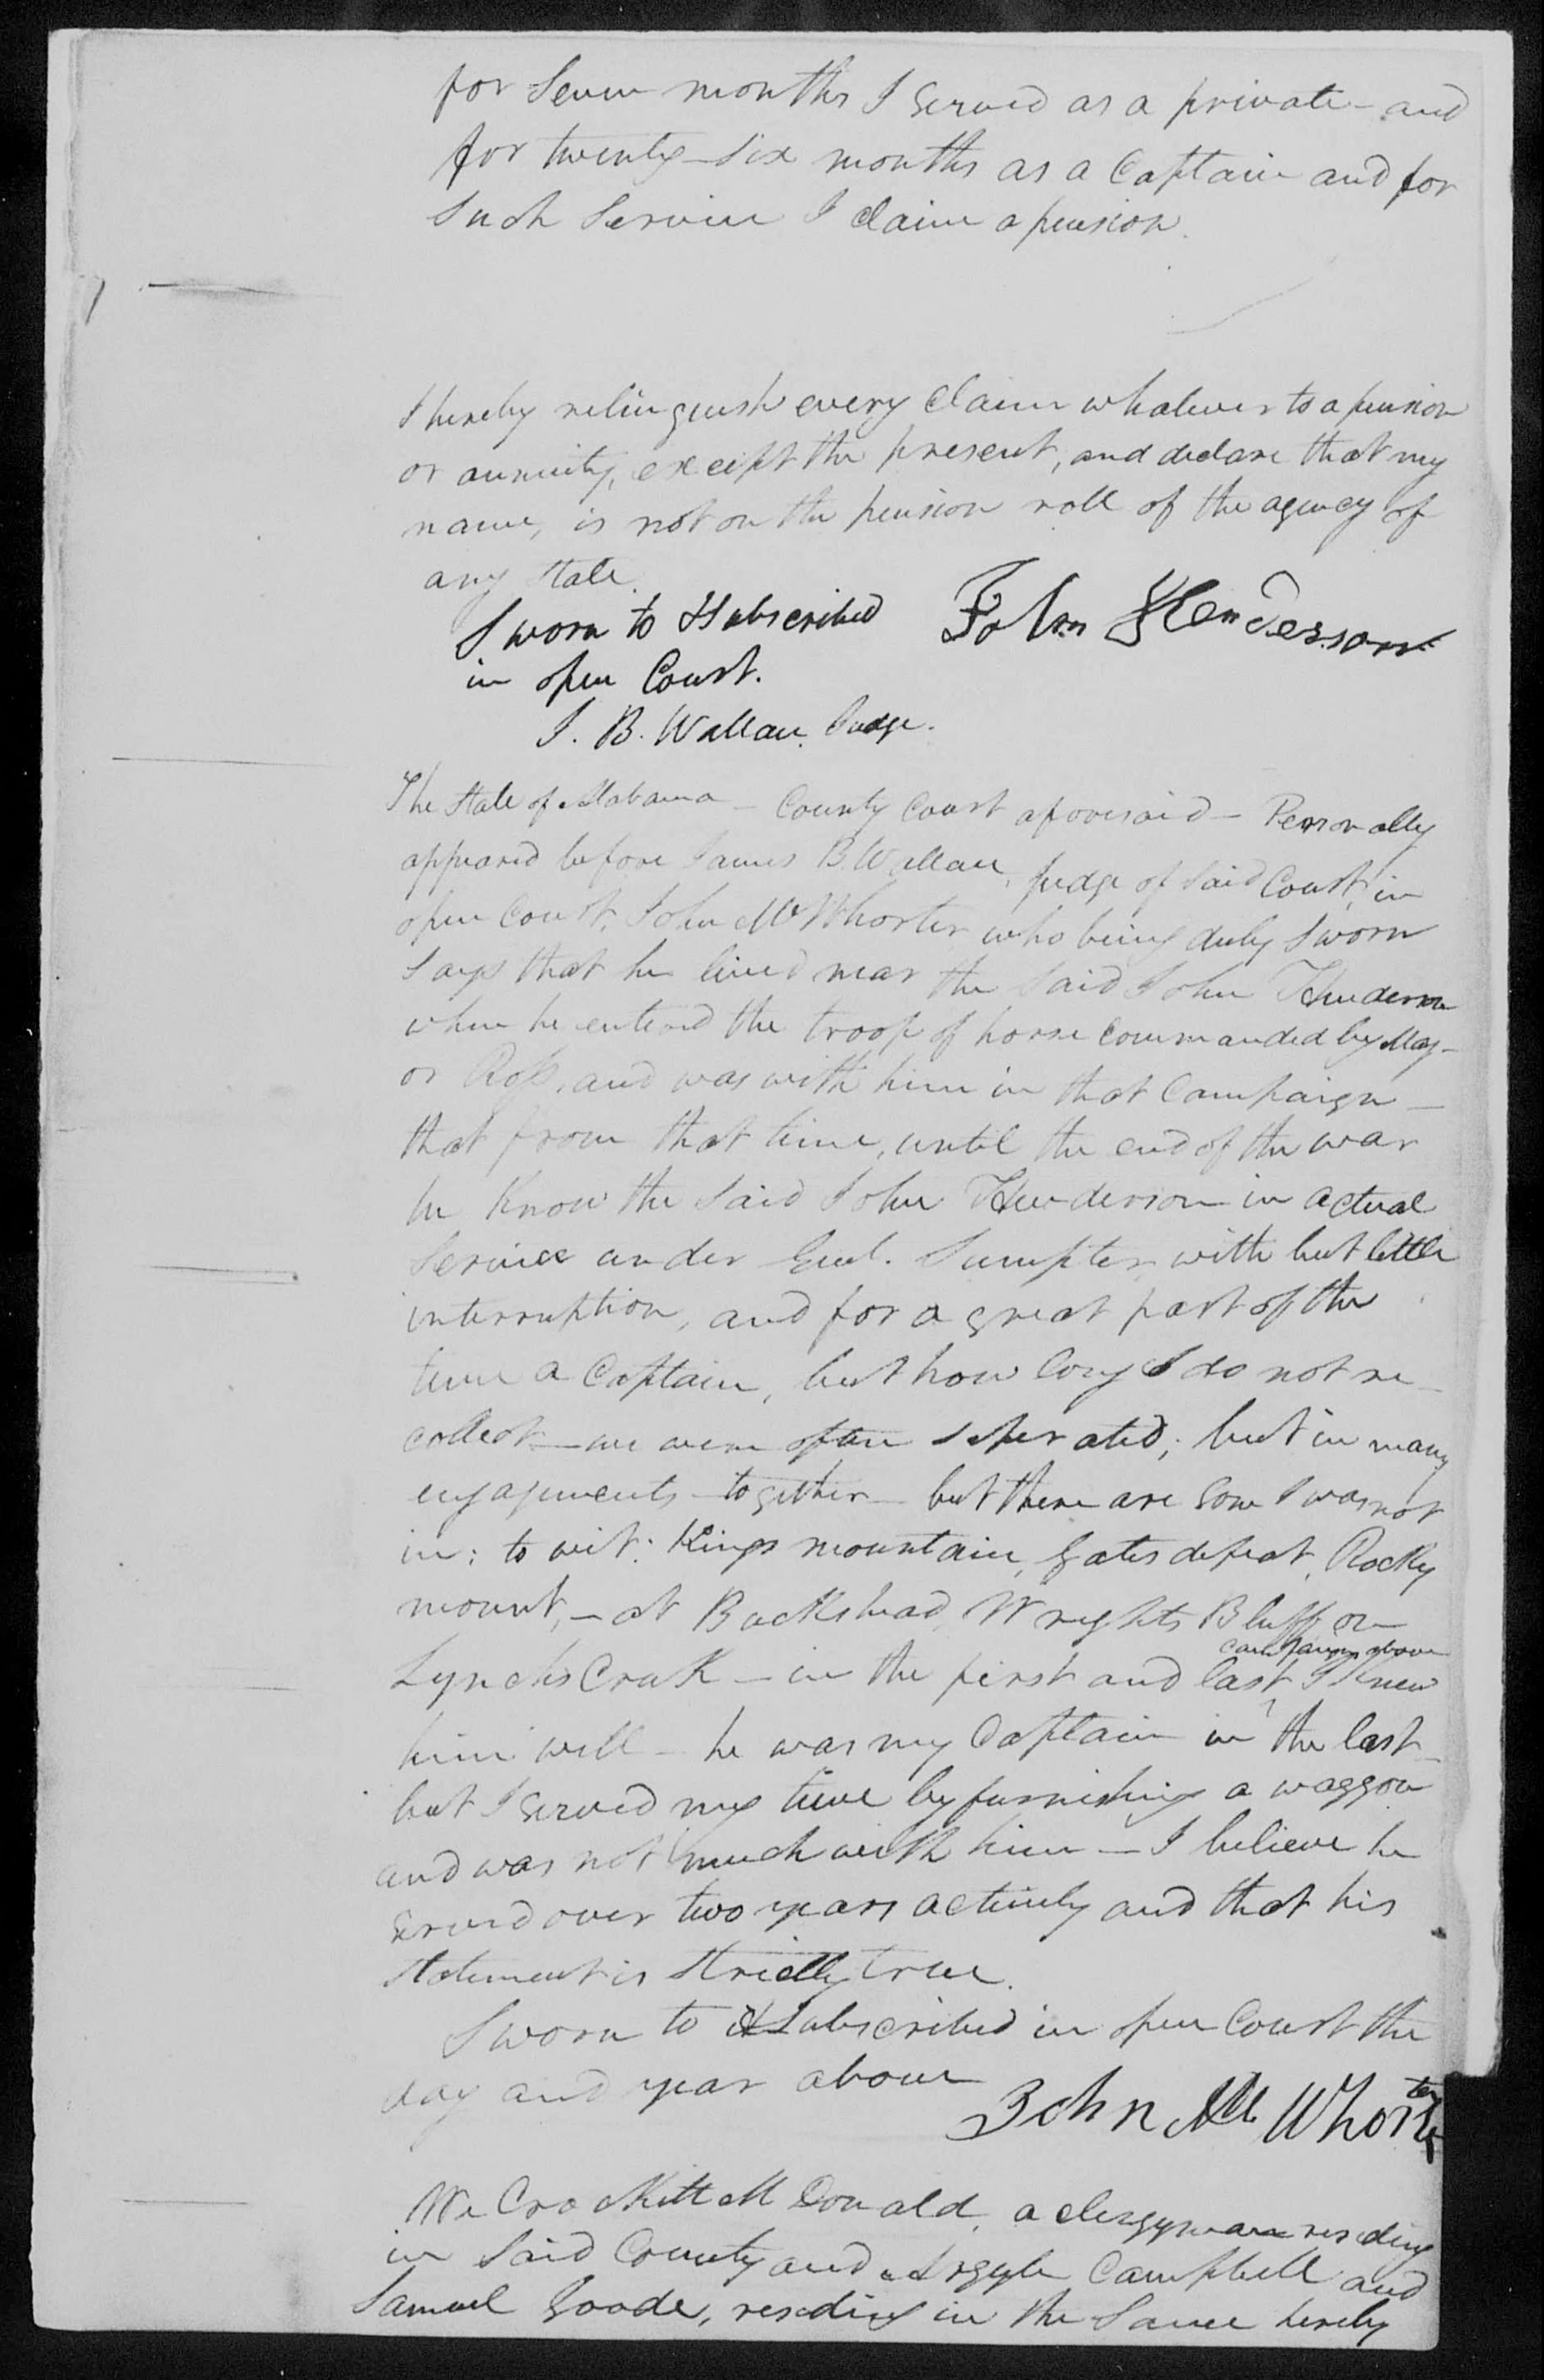for seven months I served as a private and for twenty-si months as a Captain and for such service I claim a pension.

I hereby relinquish every claim whatever to a pension or annuity, except the present, and declare that my name is not on the pension roll of the agency of any state. 
John Henderson

Sworn to & subscribed in open court 
J. B. Wallace Judge

The State of Alabama - County Court aforesaid
Personally appeared before James B Wallace, Judge of said Court in open court, John McWhorter who being duly sworn says that he lived near the said John Henderson when he entered the troop of horse commanded by Major Ross, and was with him in that campaign  - that from that time, until the end of the war he know the said John Henderson in actual service under Genl. Sumpter with but little interruption, and for a great part of the time a Captain, but how long I do not recollect - we were often seperated; but in many engagements together - but there are some I was not in: to wit: King's Mountain, Gates defeat, Rocky Mount, - at Buckshead, Wrights Bluff on Lynch's Creek - in the first and last campaigns above I knew him well - he was my Captain in the last but I served my time by furnishing a waggon and was not much with him - I believe he served over two years activity and that his statement is strictly true.
Sworn to & subscribed in open Court the day and year above
John McWhorter

We Crockett McDonald a clergyman residing in said County and Argyle Campbell and Samuel Goode, residing in the same hereby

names: Ross, Samuel Goode, Crockett Mc Donald, John Mc Whorter, John Henderson, John Mc Whorter, Sumpter, John Henderson, James B Wallace, J B Wallace, John Henderson, Argyle Campbell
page: 7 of 40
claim: rejected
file: R. 4,869, John Henderson, S.C.